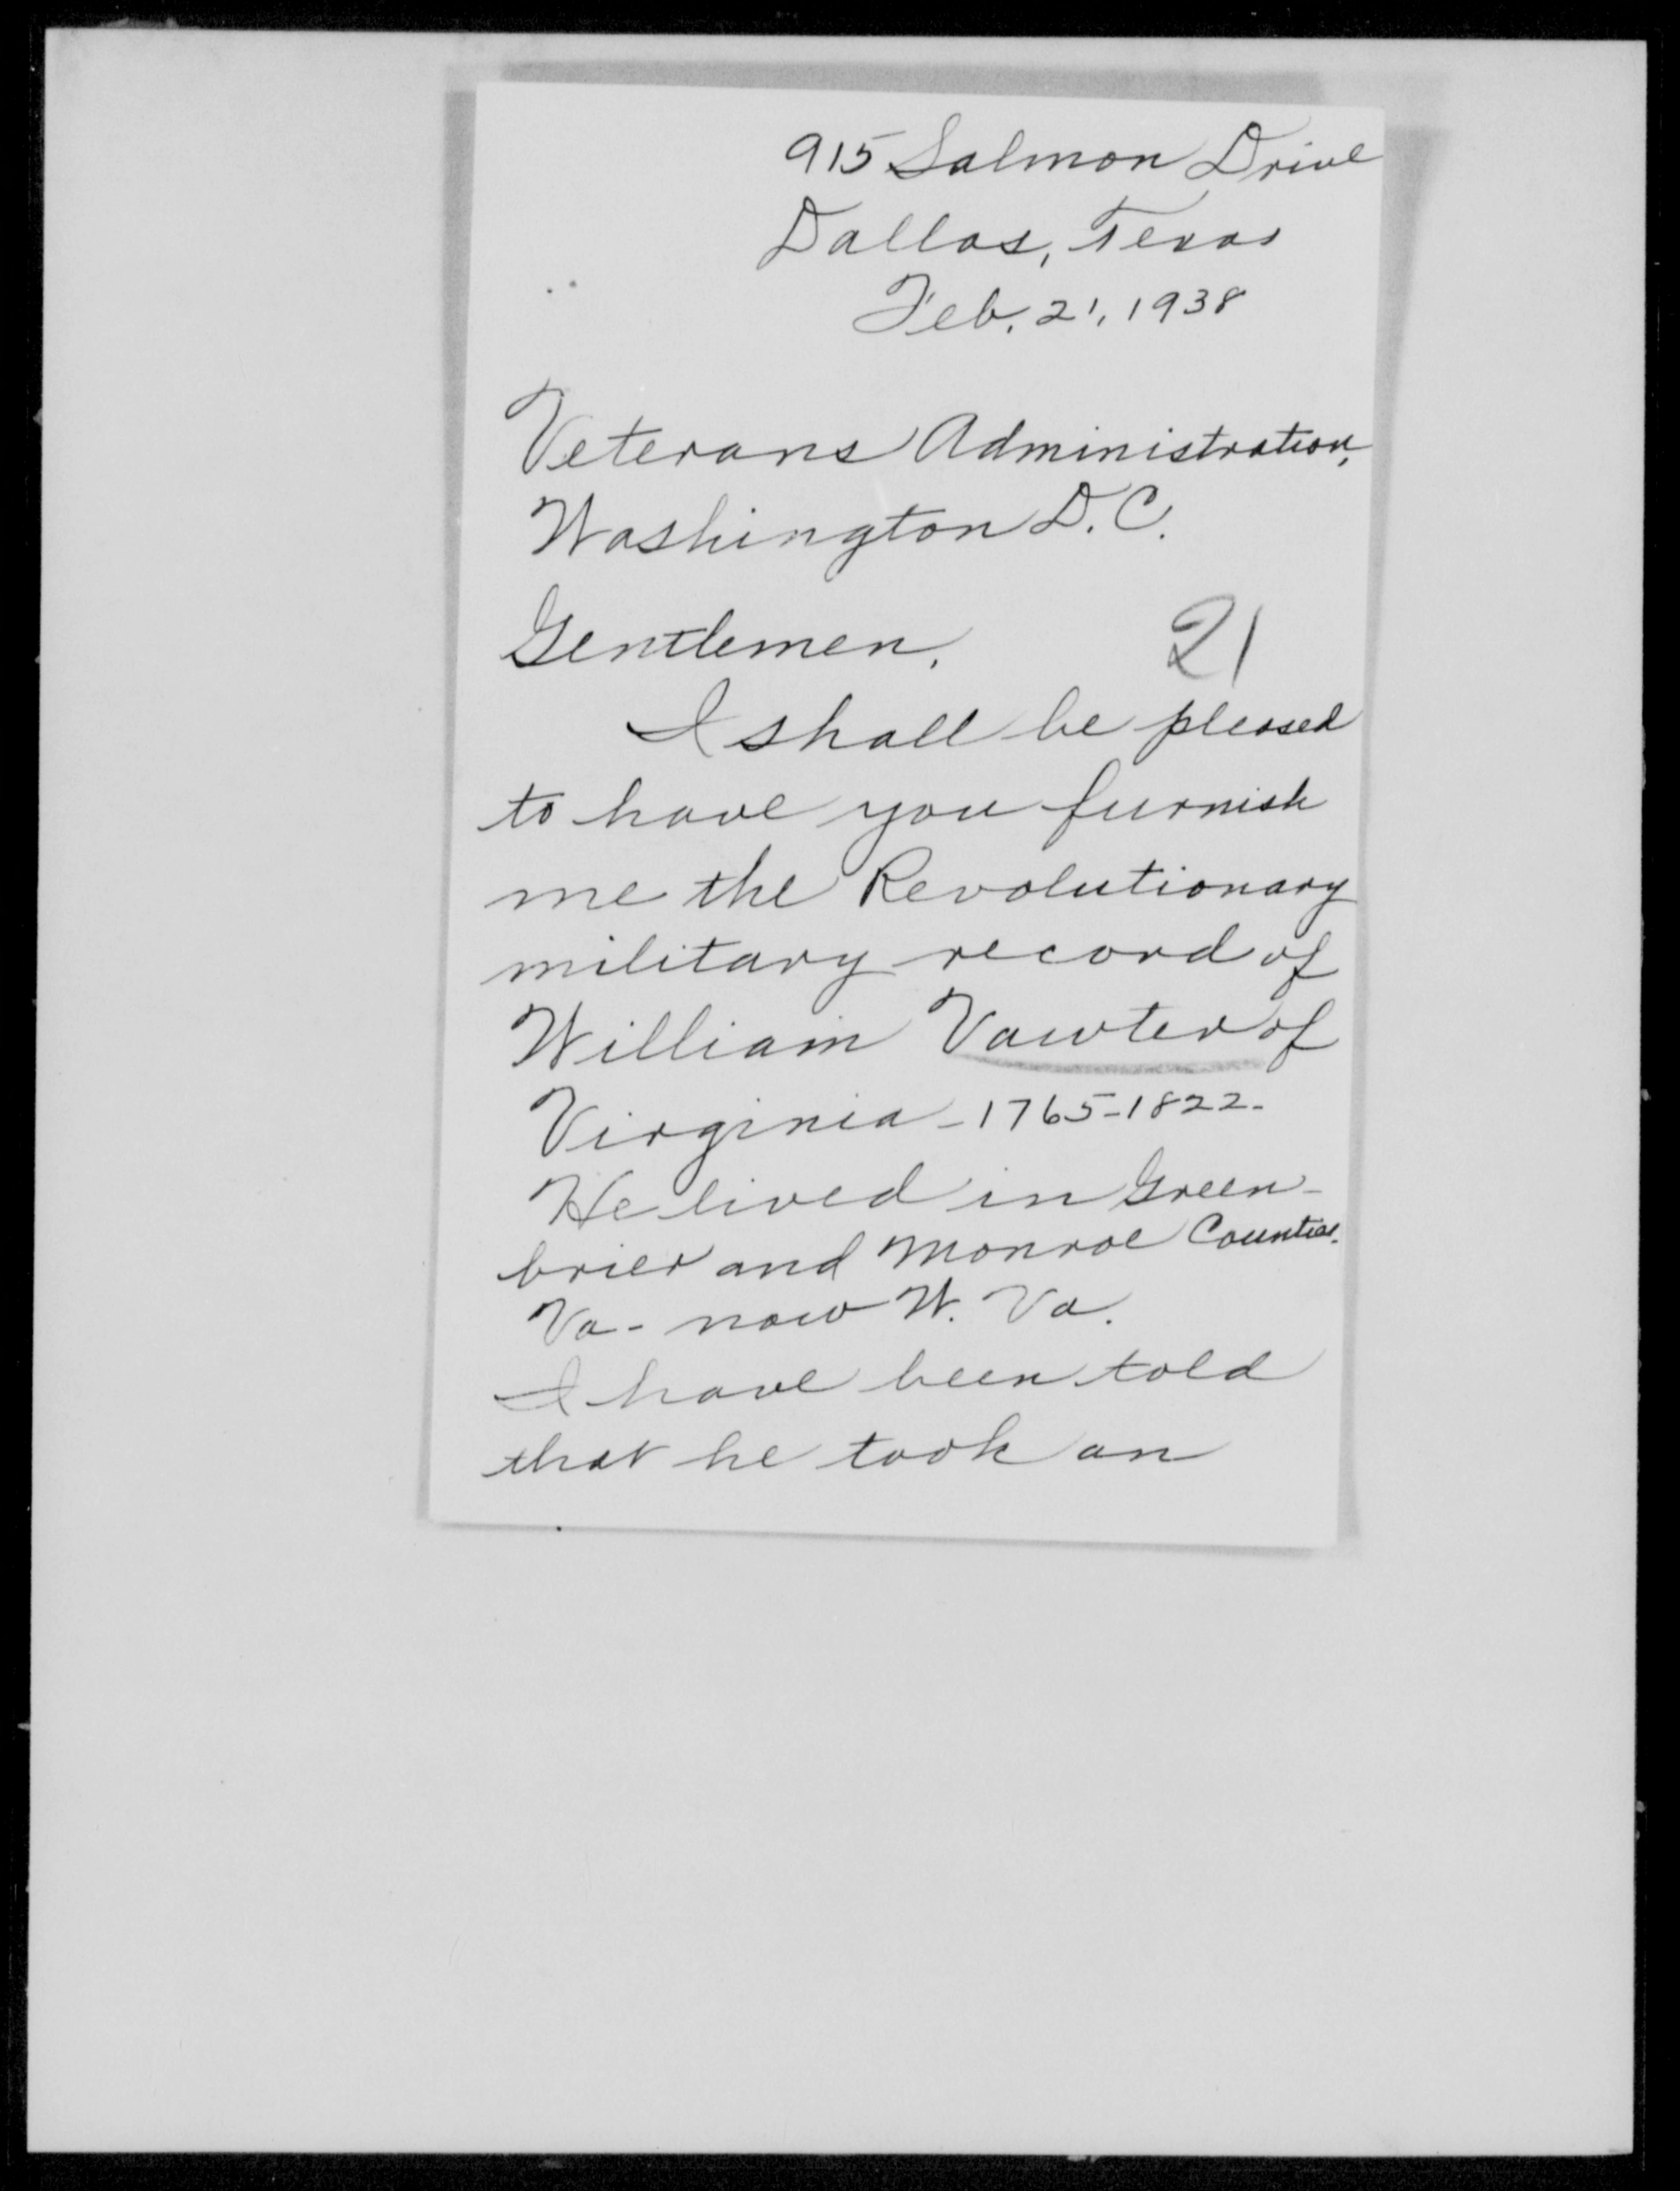915 Salmon Drive
Dallas, Texas
Feb. 21, 1938
Veterans Administration
Washington D.C.
Gentlemen
21
I shall be pleased
to have you furnish
me the Revolutionary
military record of
William Vawter of
Virginia - 1765 - 1822.
He lived in Greenbrier 
and Monroe Counties
Va. now W. Va.
I have been told
that he took an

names: William Vawter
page: 37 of 51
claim: rejected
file: R. 10,921, William Vawter, Va.